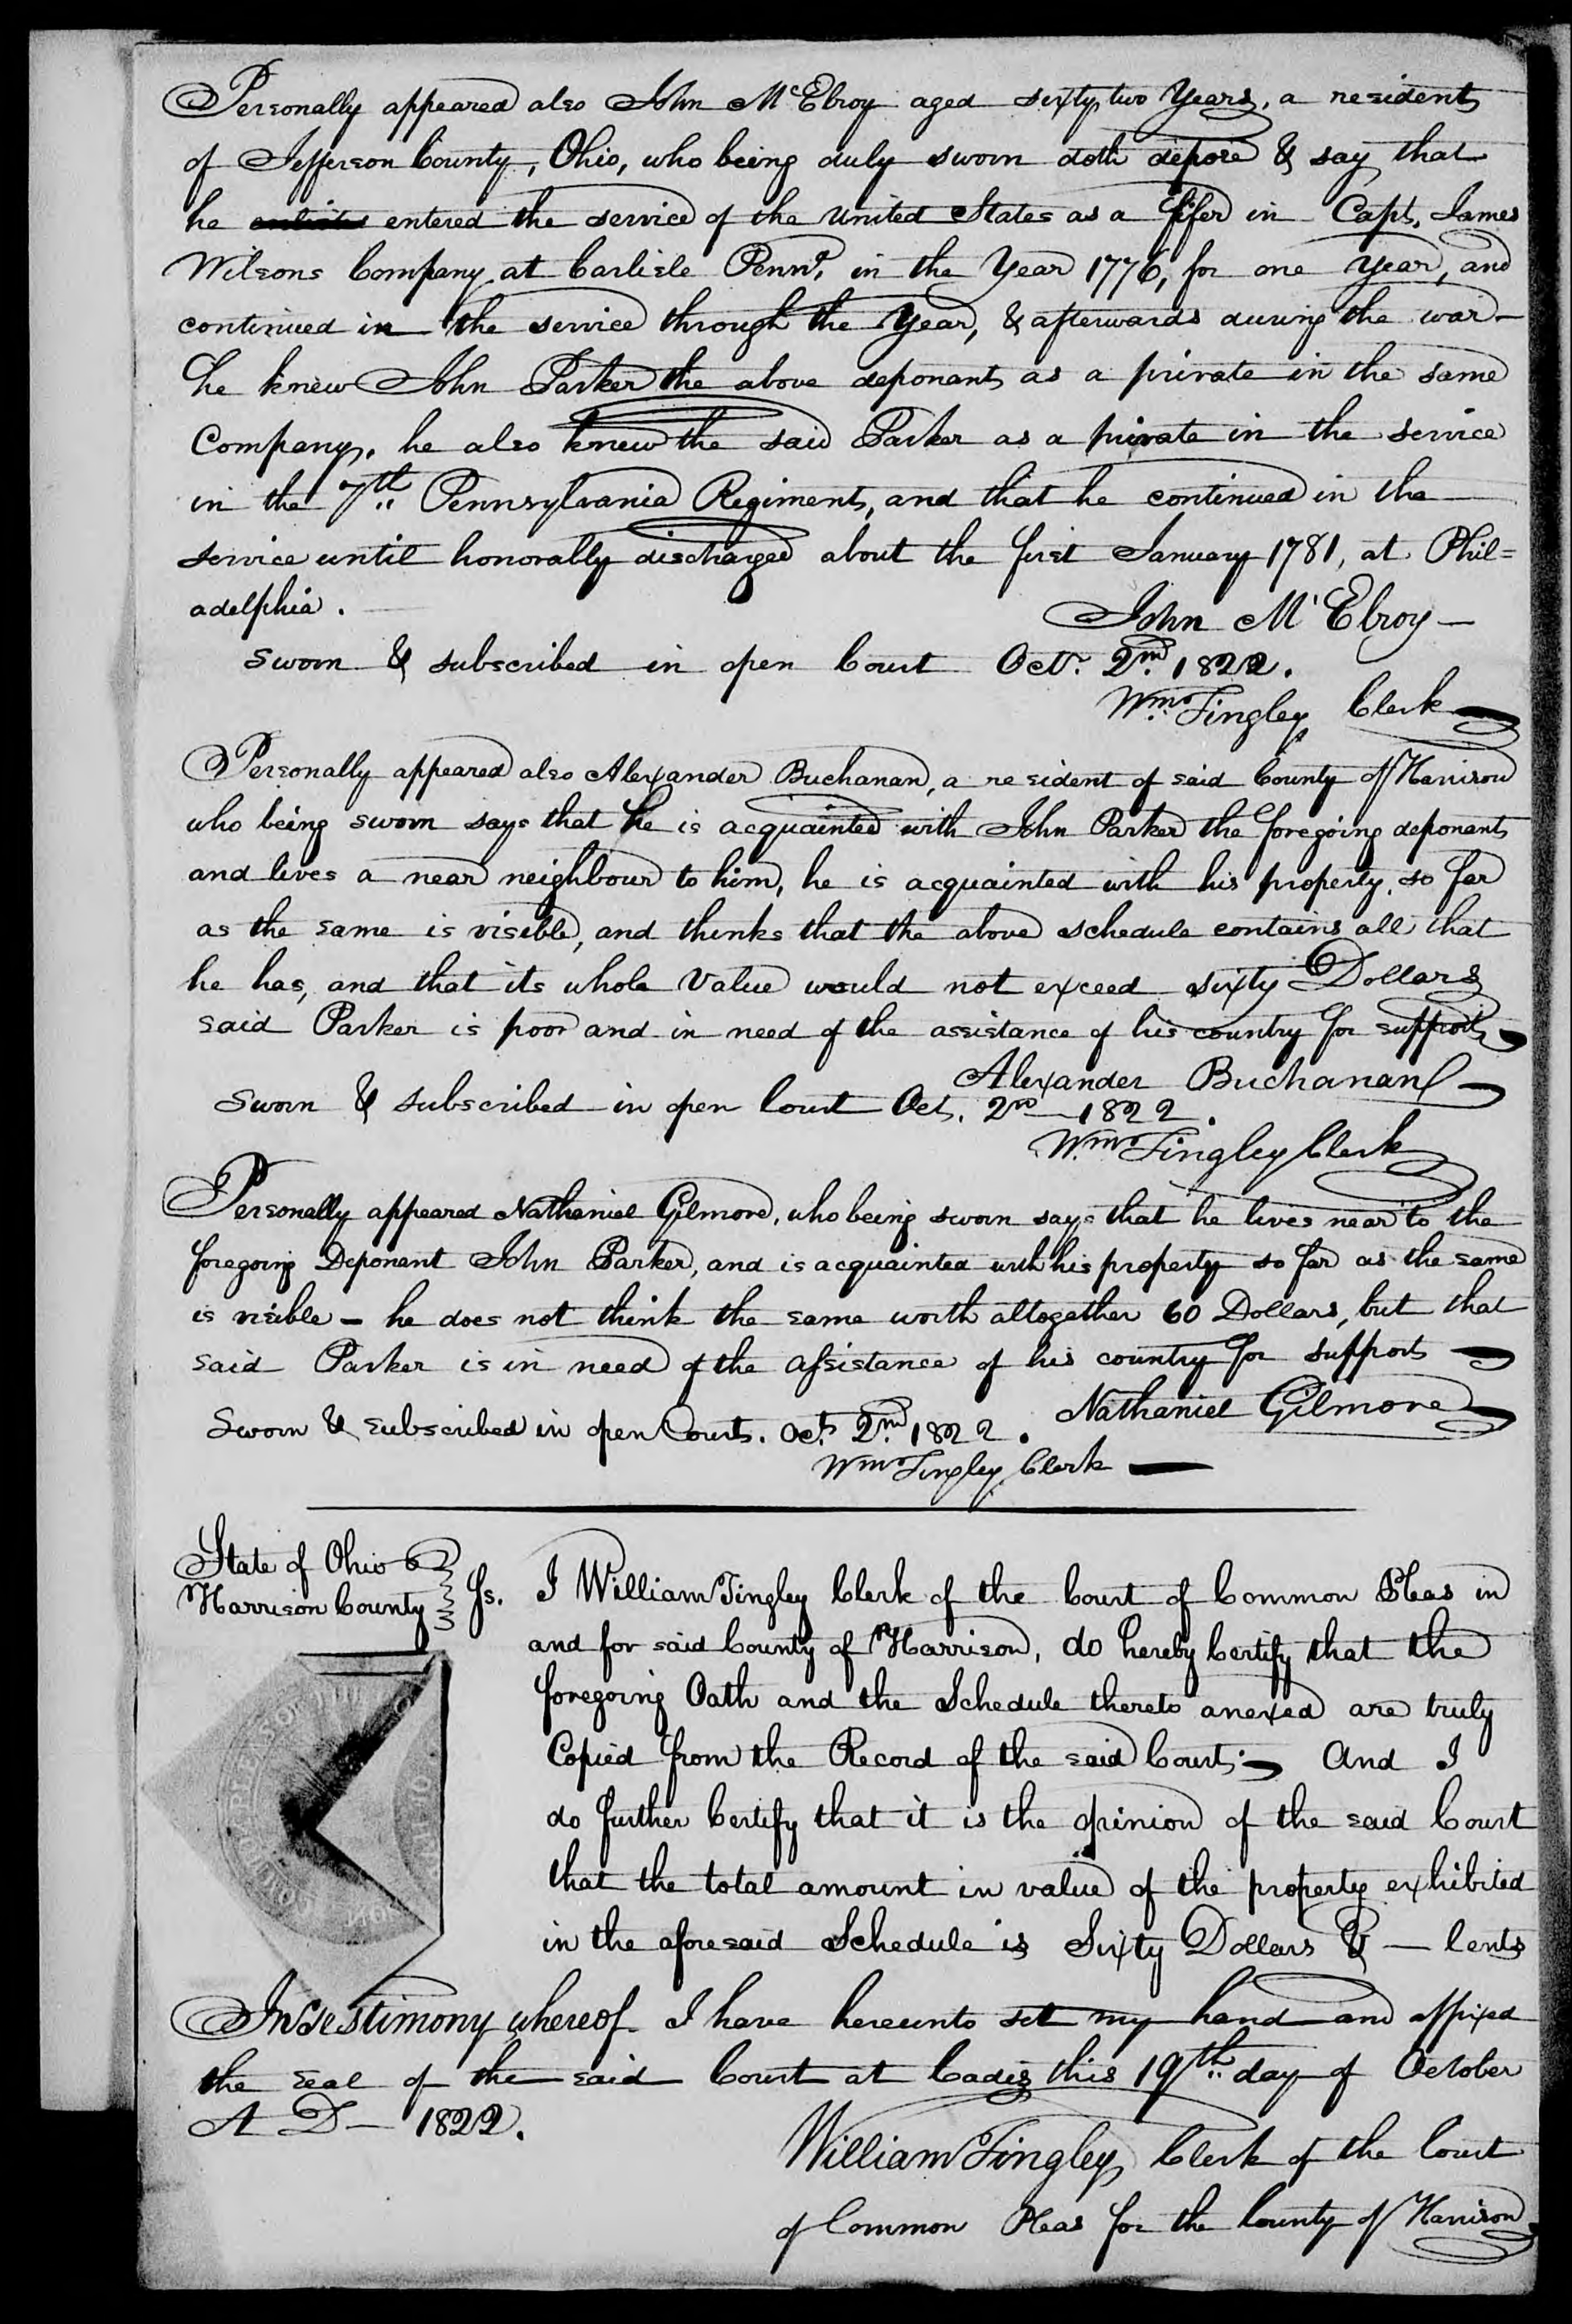Personally appeared also John McElroy aged sixty two years, a resident of Jefferson County, Ohio, who being duly sworn doth depose & say that he entered the service of the United States as a fifer in Capt. James Wilsons [sic] Company at Carlisle Penn. in the year 1776, for one year, and continued in the service through the year, & afterwards during the war he knew John Parker the above deponent as a private in the service in the 7th Pennsylvania Regiment, and the he continued in the the service until honorably discharged about the first January 1781, at Philadelphia. 
//s// John McElroy
Sworn & subscribed in open Court Oct. 2nd, 1822
//s// Wm. Tingley Clerk

Personally appeared also Alexander Buchanan, a resident of said County of Harrison who being sworn says that he is acquainted with John Parker the foregoing deponent and lives a near neighbour [sic] to him, he is acquainted with his property so far as the same is visible, and thinks that the above schedule contains all that he has, and that its whole value would not exceed sixty Dollars, said Parker is poor and in need of the assistance of his country for support.
//s// Alexander Buchanan
Sworn & subscribed in open Court Oct. 2nd 1822.
//s// Wm Tingley Clerk

Personally appeared Nathaniel Gilmore, who being sworn says that he lives  near to the foregoing Deponent John Parker, and is acquainted with his property so far as the same is visible, he does not think the same worth altogether 60 Dollars, but that the said Parker is in need of the assistance of his country for support.
//s// Nathaniel Gilmore
Sworn & subscribed in open Court Oct. 2nd, 1822. //s// Wm Tingley Clerk

State of Ohio }
Harrison County } ss. I William Tingley Clerk of the Court of Common Pleas in and for County of Harrison, do hereby Certify that the foregoing Oath and the Schedule thereto anexed [sic] are truly copied from the Record of the said Court; and I do further Certify that it is the opinion of the said Court that the total amount in value of the property exhibited in the aforesaid Schedule is Sixty Dollars & [blank] Cents. In Testimony whereof I have hereunto set my hand and affixed the seal of the said Court at Cadiz this 19th day of October A.D. 1822.
//s// William Tingley Clerk of the Court of Common Pleas for the County of Harrison.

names: John Mc Elroy; Nathaniel Gilmore; Alexander Buchanan; John Parker; Wm Tingley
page: 6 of 40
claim: widow's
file: W. 3,588, for John Parker, Pennsylvania